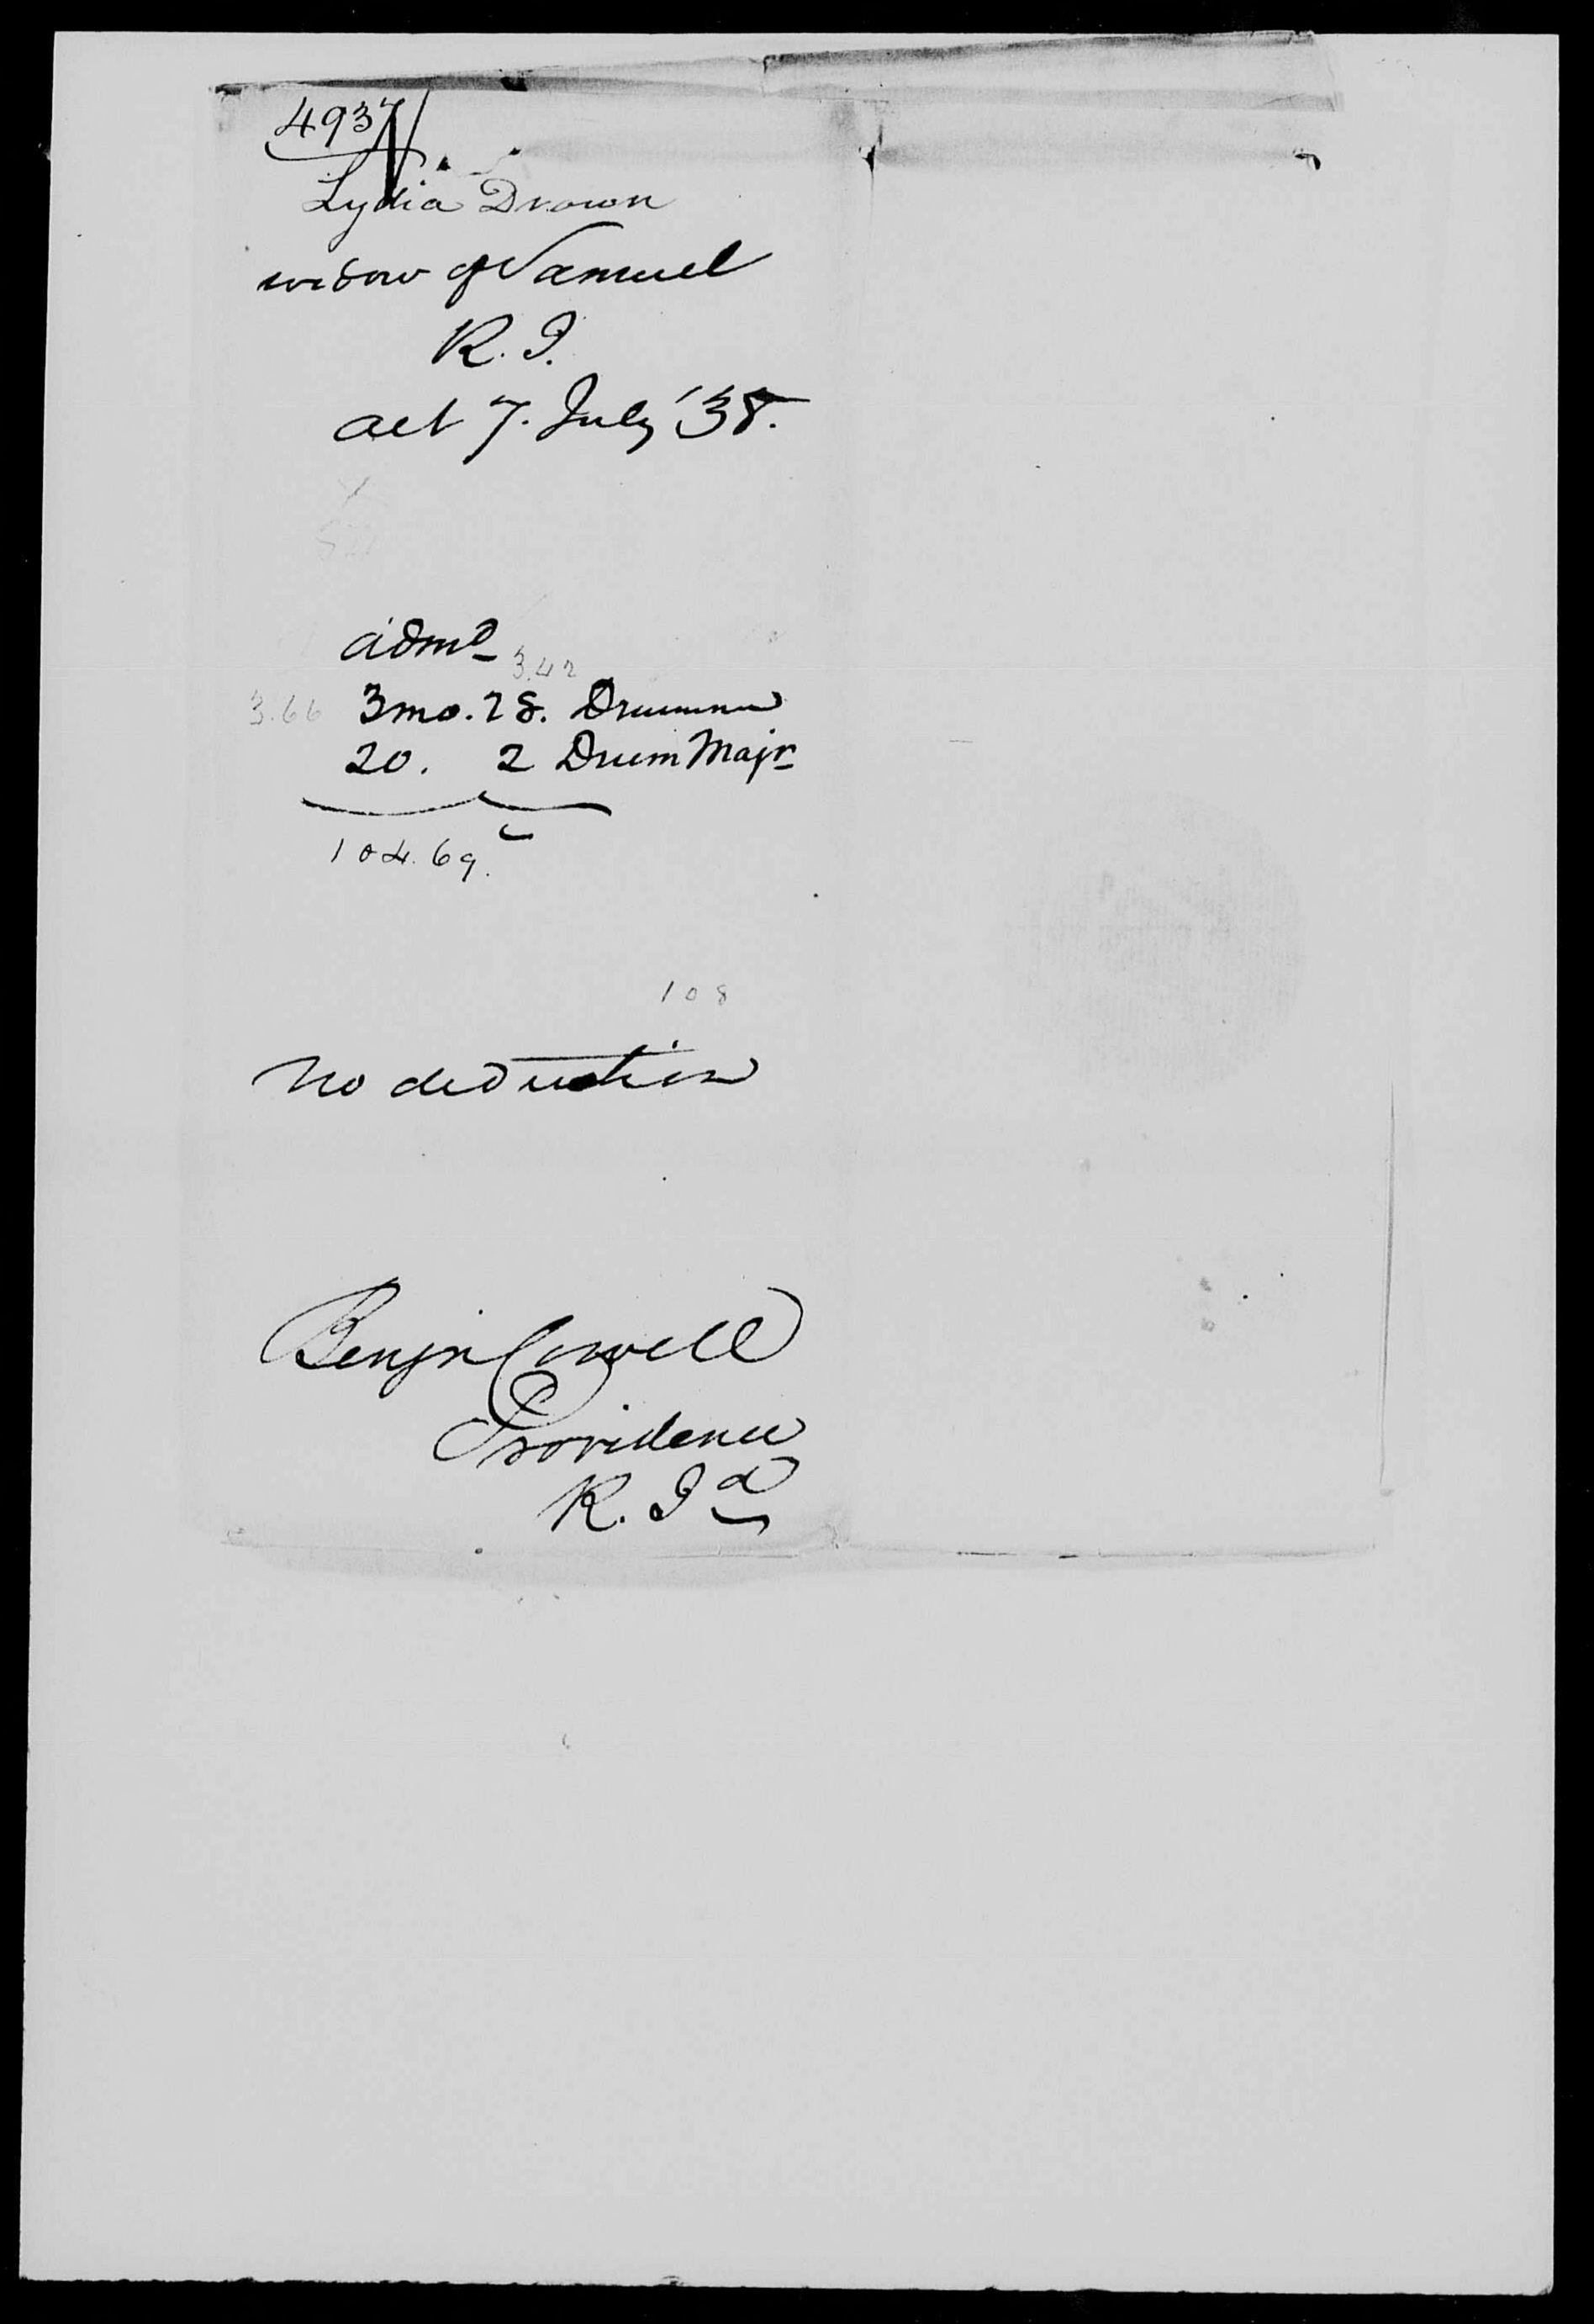4937

Lydia Brown
widow of Samuel
R.I.
[illegible] 7 July '38

[illegible] 3.42
3.66 3 mo. 28. Drummer
20, 2 Drum Major
104.69

108
no deduction

Benja Cowell
Providence
R. Id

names: Samuel Drown, Lydia Drown, Benjn Cowell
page: 22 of 31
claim: widow's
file: W 21004, Samuel Drown, R.I.